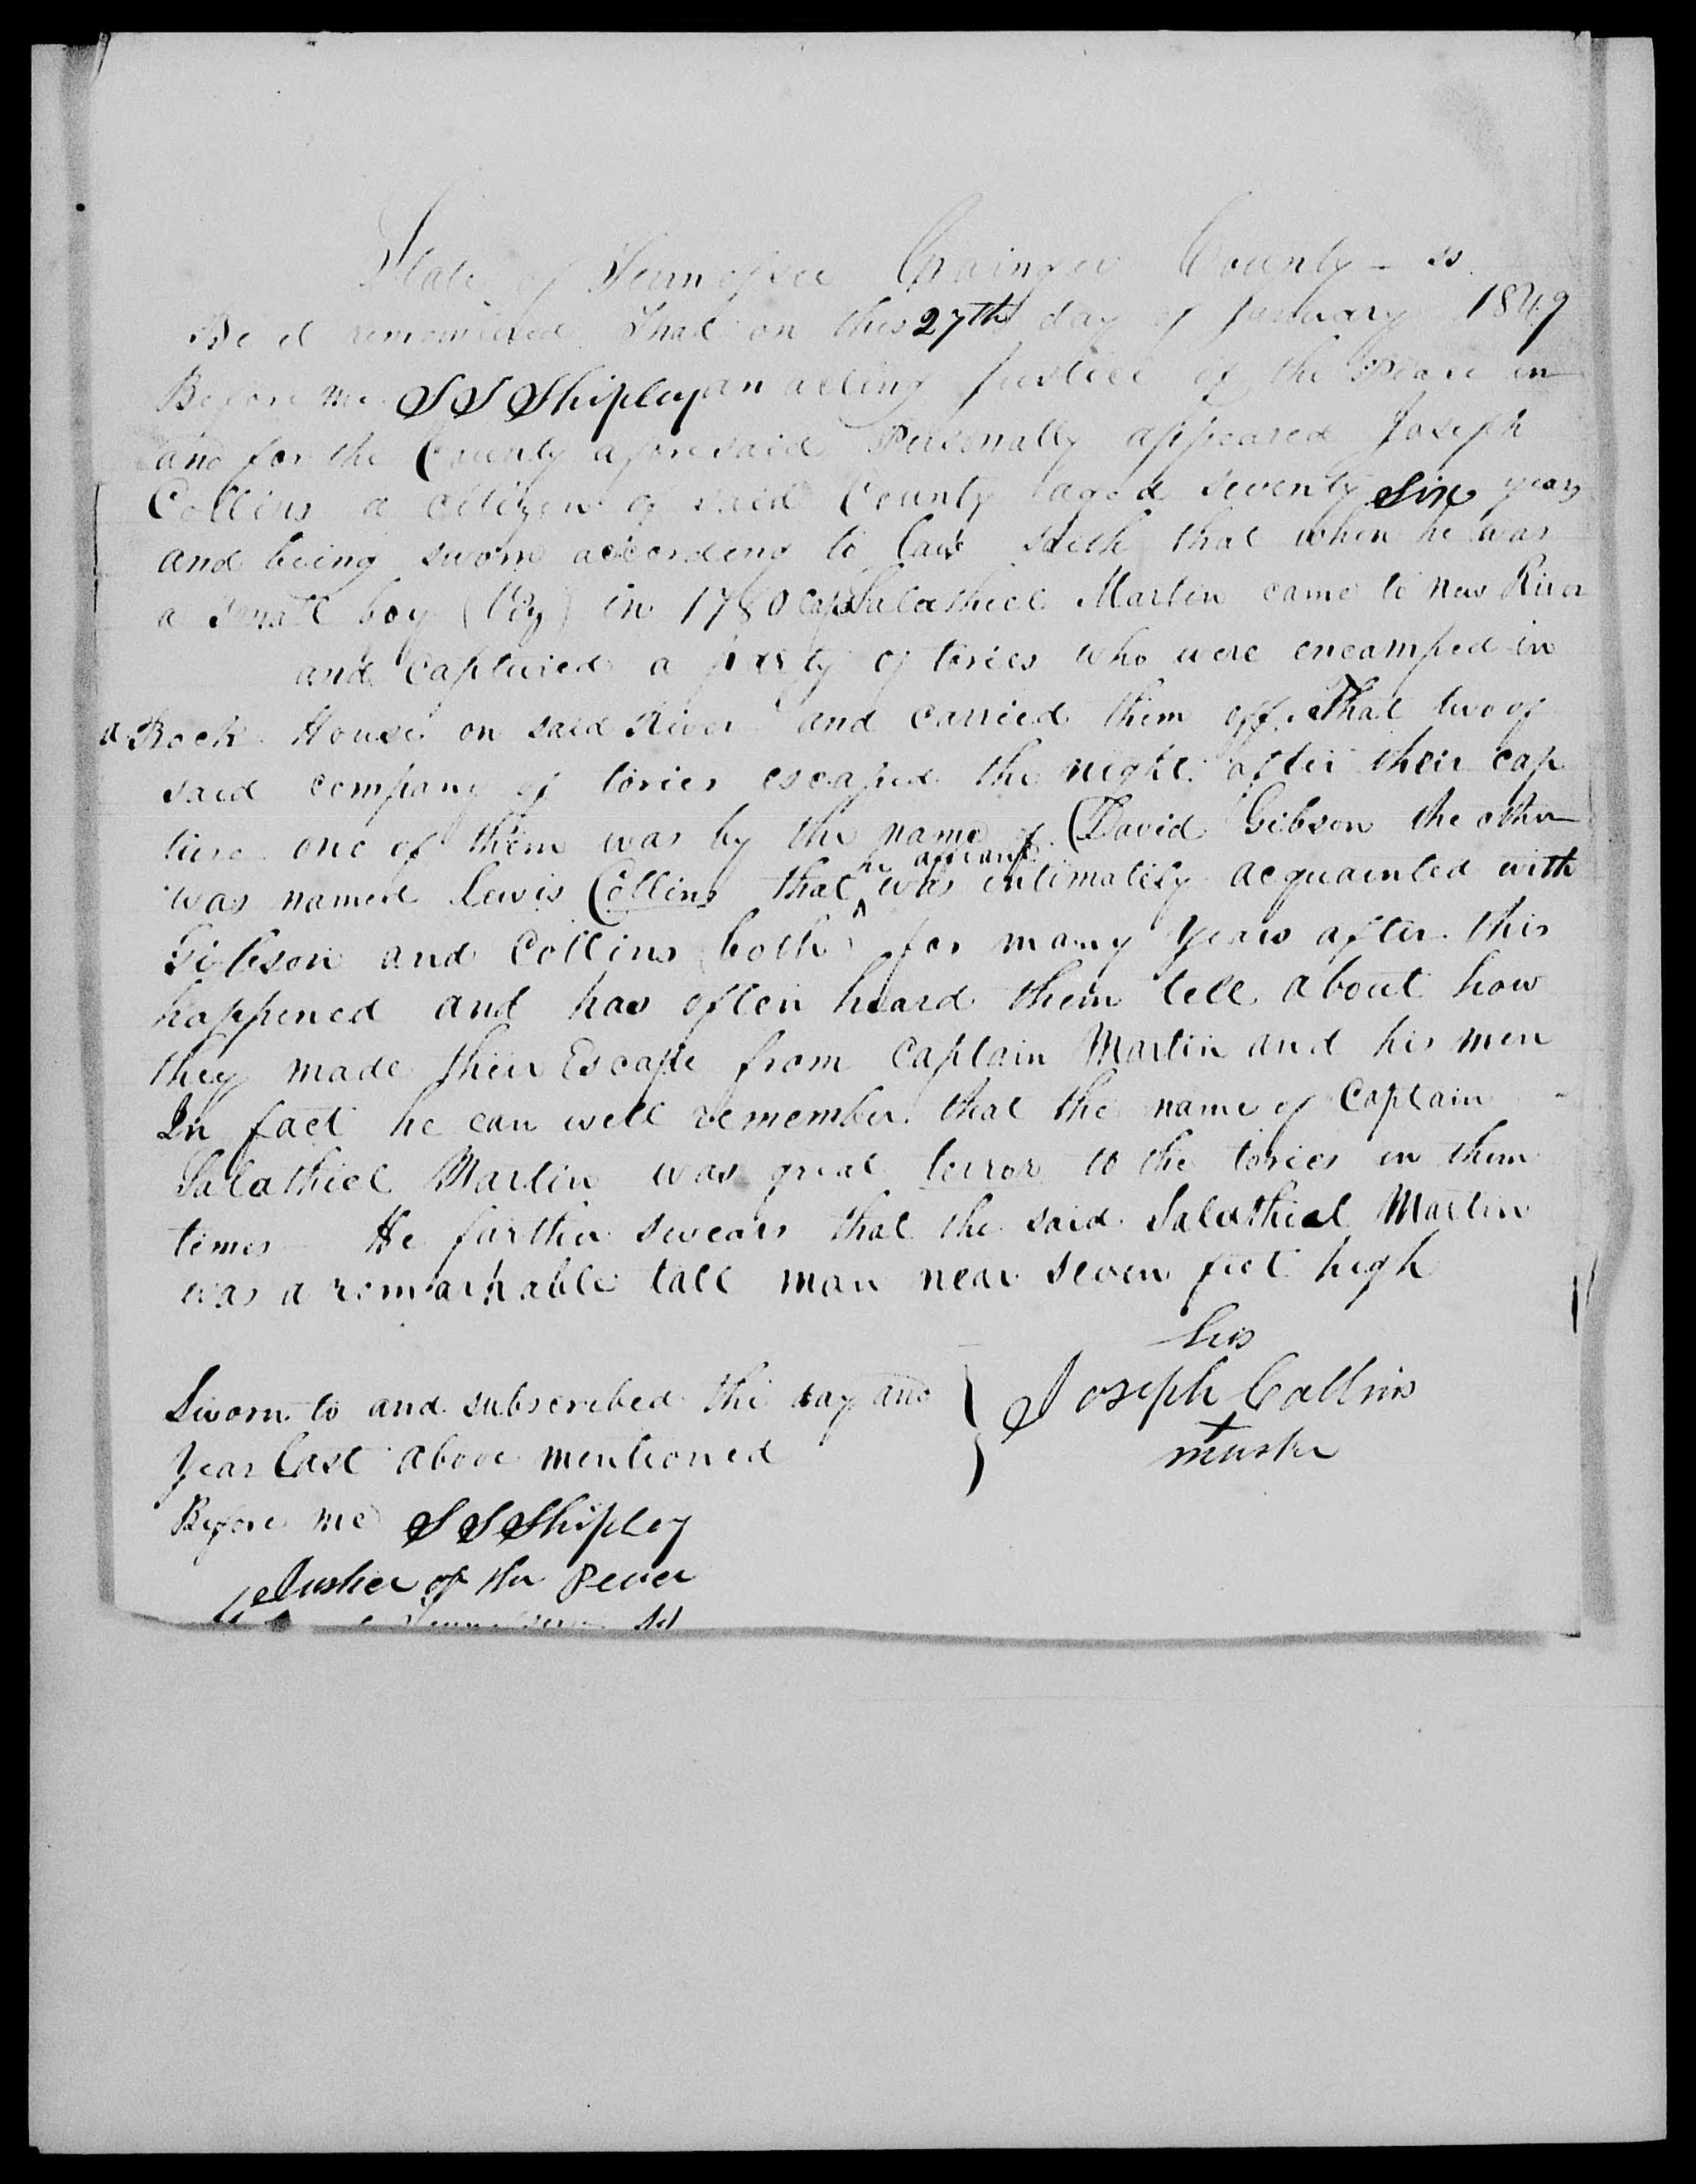State of Tennessee Grainger County__ss.
Be it remembered that on this 27th day of January 1849
Before me S S Shipley an acting Justice of the Peace in
and for the County aforesaid Personally appeared Joseph
Collins a citizen of said County aged seventy six years
and being sworn according to law saith that when he was
small boy [illegible] in 1780 cap Salathiel Martin came to New River
and captured a party of tories who were encamped in 
a Rock House on said River and carried them off.  That two of
said company of tories escaped the night after their cap
ture one of them was by the name of David Gibson the other
was named Lewis Collins that he [illegible] was intimately acquainted with
Gilson and Collins both for many years after this
happened and has often heard them tell about how
they made their Escape from Captain Martin and his men
In fact he can well remember that the name of Captain
Salathiel Martin was great terror to the tories in them
times
He further swears that the said Salathial Martin
was a remarkable tall man near seven feet high
Joseph his x mark Collins
Sworn to and subscribed the day and )
year last above mentioned                   )
Before me S S Shipley
Justice of the Peace
[page damage]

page: 46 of 120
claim: widow's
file: W. 1044, for Salathiel Martin, North Carolina